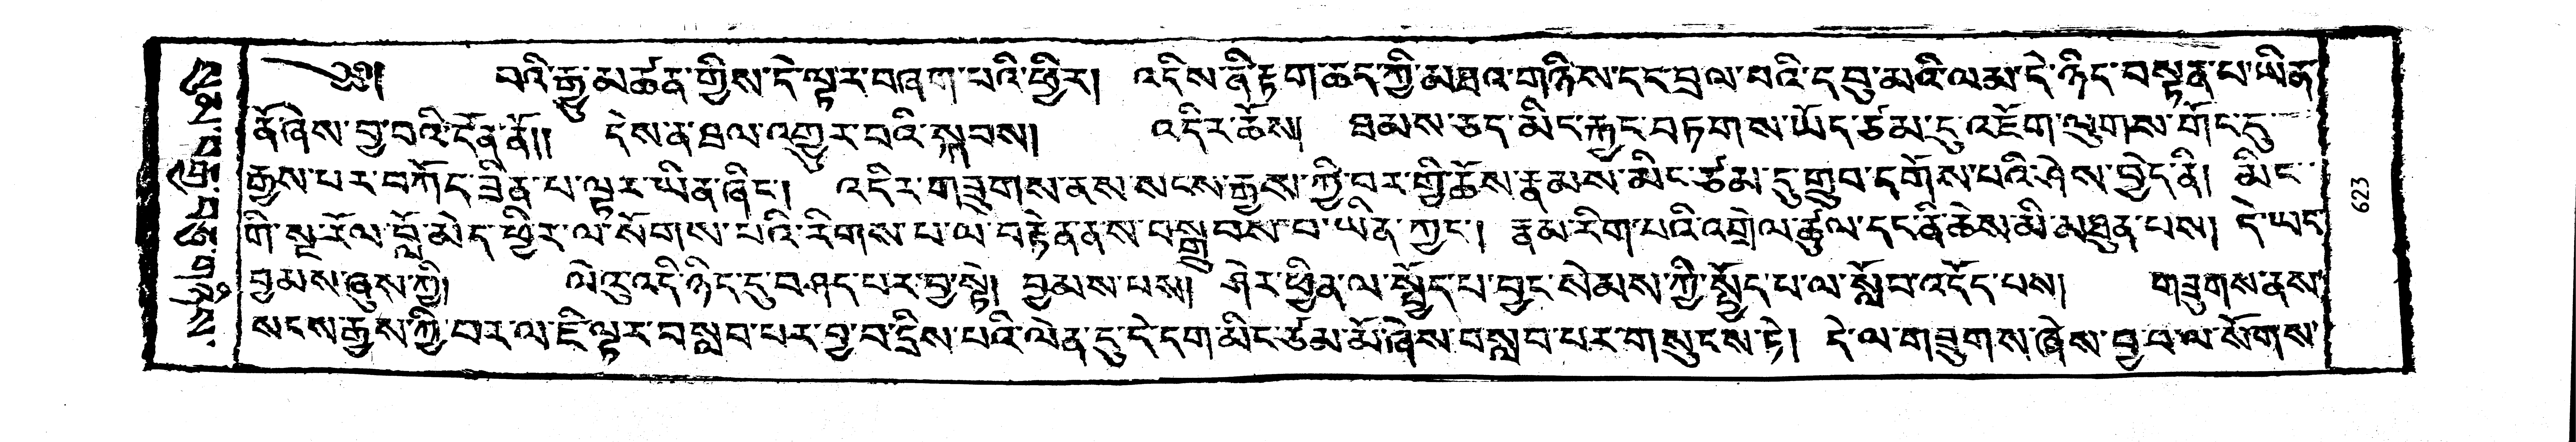༄༅། །བའི་རྒྱུ་མཚན་གྱིས་དེ་ལྟར་བཞག་པའི་ཕྱིར། འདིས་ནི་རྟག་ཆད་ཀྱི་མཐའ་གཉིས་དང་བྲལ་བའི་དབུ་མའི་ལམ་དེ་ཉིད་བསྟན་པ་ཡིན་
ནོ་ཞེས་བྱ་བའི་དོན་ནོ།། དེས་ན་ཐལ་འགྱུར་བའི་སྐབས། འདིར་ཆོས། ཐམས་ཅད་མིང་རྐྱང་བཏགས་ཡོད་ཙམ་དུ་འཇོག་ལུགས་གོང་དུ་
རྒྱས་པར་བཀོད་ཟིན་པ་ལྟར་ཡིན་ཞིང་། འདིར་གཟུགས་ནས་སངས་རྒྱས་ཀྱི་བར་གྱི་ཆོས་རྣམས་མིང་ཙམ་དུ་གྲུབ་དགོས་པའི་ཤེས་བྱེད་ནི། མིང་
གི་སྔ་རོལ་བློ་མེད་ཕྱིར་ལ་སོགས་པའི་རིགས་པ་ལ་བརྟེན་ནས་བསྒྲུབས་པ་ཡིན་ཀྱང་། རྣམ་རིག་པའི་འགྲེལ་ཚུལ་དང་ནི་ཆེས་མི་མཐུན་པས། དེ་ཡང་
བྱམས་ཞུས་ཀྱི། ལེའུ་འདི་ཉིད་དུ་བཤད་པར་བྱ་སྟེ། བྱམས་པས། ཤེར་ཕྱིན་ལ་སྤྱོད་པ་བྱང་སེམས་ཀྱི་སྤྱོད་པ་ལ་སློབ་འདོད་པས། གཟུགས་ནས་
སངས་རྒྱས་ཀྱི་བར་ལ་ཇི་ལྟར་བསླབ་པར་བྱ་བ་དྲིས་པའི་ལེན་དུ་དེ་དག་མིང་ཙམ་མོ་ཞེས་བསླབ་པར་གསུངས་ཏེ། དེ་ལ་གཟུགས་ཞེས་བྱ་བ་ལ་སོགས་